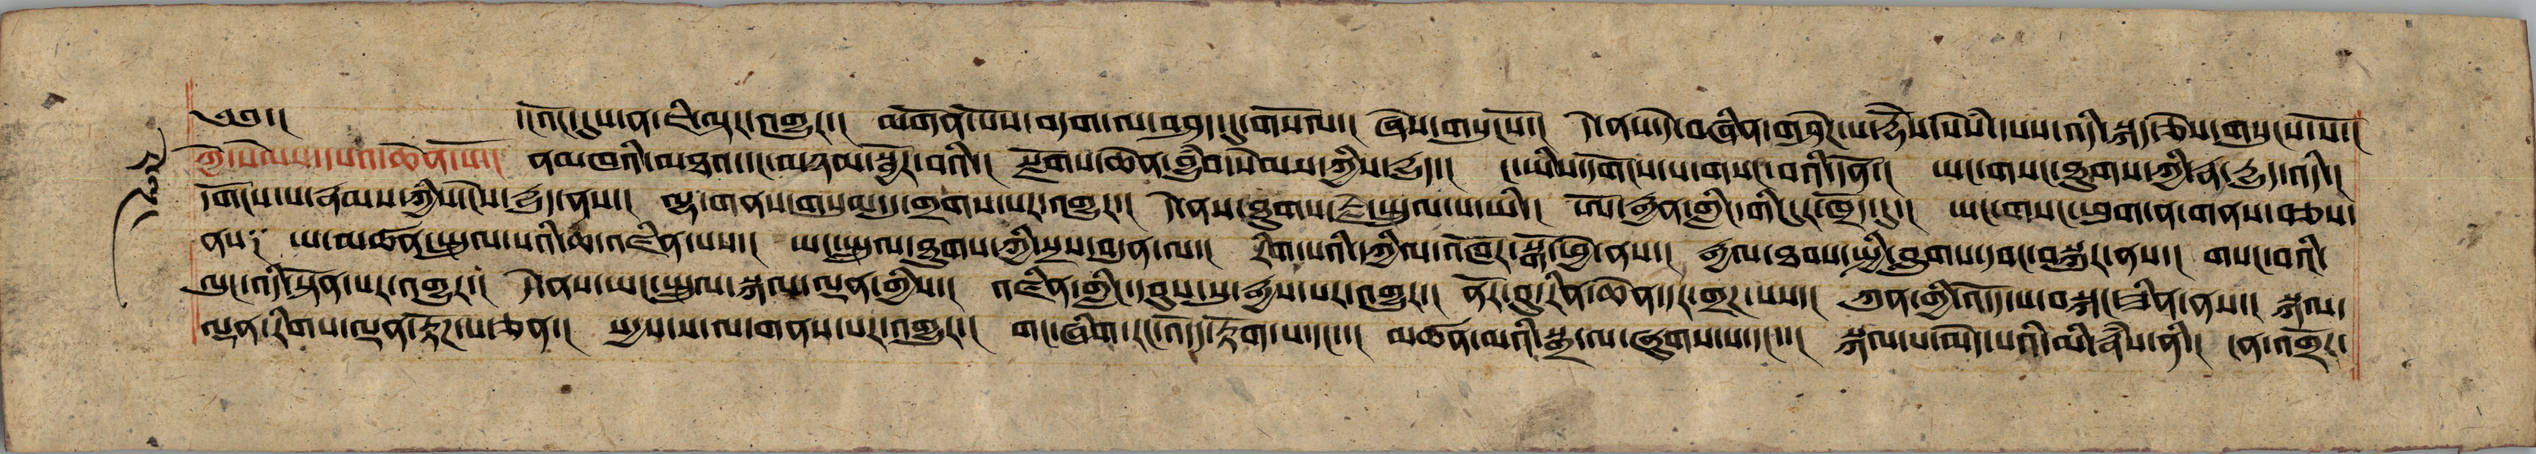༄༅་། ་།འོང་དུས་ན་ཇི་ལྟར་འགྱུར་། མགོན་པོས་བདག་ལ་བཤད་དུ་གསལོ་། ཞེས་གསུངསོ་། དེ་ནས་དེ་བཞིན་གཤེཌ་པ་རྡོེས་སེཾས་དཔས་འདི་སྐད་ཅེས་གསུངས་སོ་།
ཀྱེ་སེམས་དཔའ་ཆེན་པོ་། ནམཁའི་མཐའ་དང་མཉམ་སྦྱོར་བའི་། སྫོགས་ཆེན་བྱུཾབ་སེམས་ཀྱིས་དྱུད་། ང་ཡི་དགོངས་པ་གསང་བའི་དོན་། ཡང་གསང་ཐུགས་ཀྱི་རྣ་རྒྱུད་འདི་།
དགོངས་པ་རྣམས་ཀྱིས་ངེས་དྱུད་ནས་། ལྷ་གནས་གསུམ་དུ་གྲགས་པར་འགྱུར་། དེ་ནས་ཐུགས་རྗེ་སྤྲུལ་པ་ཡི་། ཨོ་རྒྱན་གླིང་གི་དུར་ཁྲོད་དུ་། ཡང་གསང་ཕུག་ན་གནས་བཅས་
ནས༑ ཡ་མཚན་སྤྲུལ་པའི་ཆ་འཛིན་པས་། ཡང་སྤྲུལ་ཐུགས་ཀྱི་སྲས་བདུན་ལ་། རིག་པའི་དཀྱིལ་འཁོར་སྒོ་ཕྱེ་ནས་། རྒྱལ་ཐབས་སྤྱི་བླུགས་དབང་བསྐུར་ནས་། གསང་བའི་
ལུང་འདི་སྟོན་པར་འགྱུར་། དེ་ནས་ཡང་སྤྲུལ་སྐལ་ལྡན་གྱིས་། འཛིན་གླིང་དབུས་སུ་རྒྱས་པར་འགྱུར་། ནོར་བུ་རིན་ཆེན་དར་གྲཌ་པས་། ཀུན་གྱི་འདོད་པ་བསྐང་ཟིན་ནས་། སྐལ་
ལྡན་རིགས་ལྡན་རྟོཌ་པ་ཅན་། སདྱས་ས་ལ་གནས་པར་འགྱུར་། གང་ཞིག་རང་འདོད་རྟོག་པ་དང་་། མཚན་མའི་སྒྲ་ལ་ཞུགས་པ་དང་་། སྐལ་པ་མེད་པའི་མི་རྣཾས་ནི་། ངན་འགྲོར་